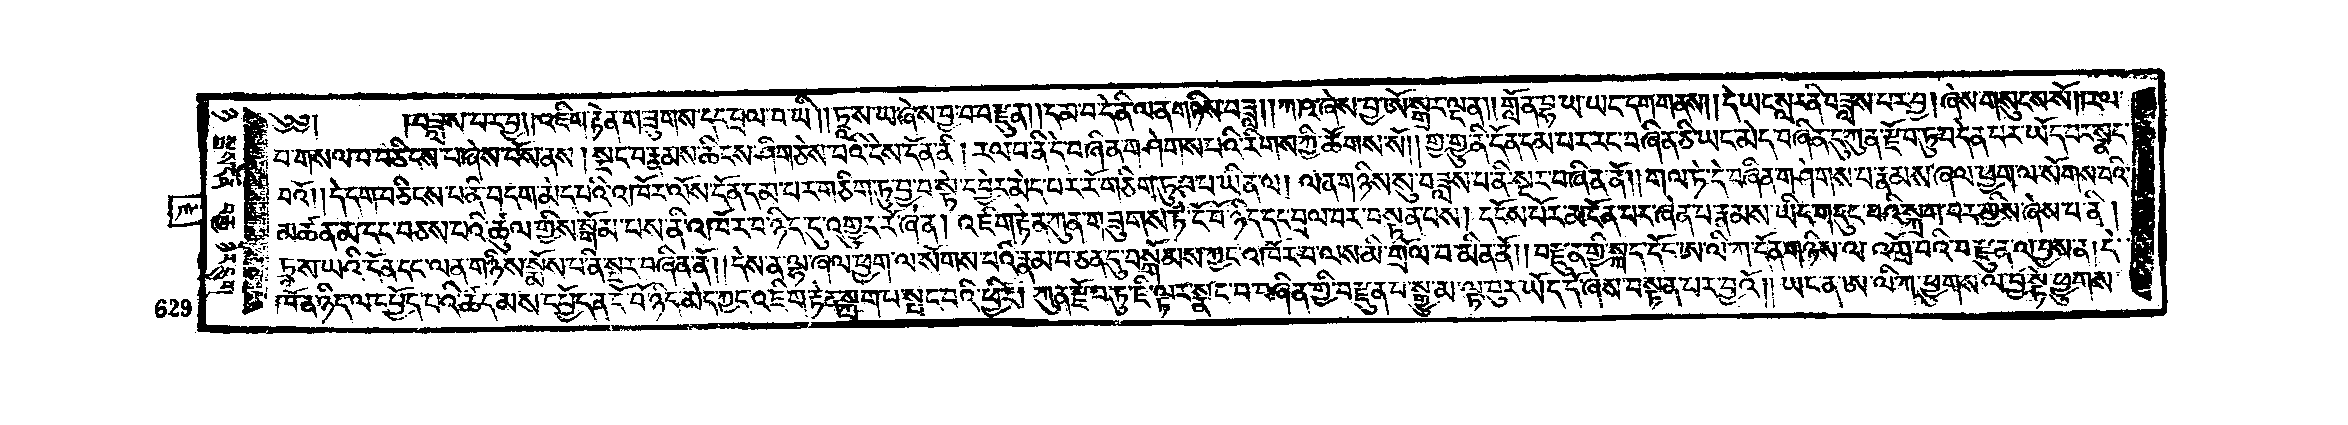༄༅། །བཟླས་པར་བྱ། །འཇིག་རྟེན་གཟུགས་དང་བྲལ་བ་ཡི། །ཏྲཱ་ས་ཡ་ཞེས་བྱ་བ་བརྫུན། །དམ་བ་དེ་ནི་ལན་གཉིས་བཟླ། །ཀ་ཥ་ཞེས་བྱ་ཨོ་སྒྲར་ལྡན། །གློ་ན་བྷ་ཡ་ཡང་དག་གནས། །དེ་ཡང་སླར་ནི་བཟླས་པར་བྱ། ཞེས་གསུངས་སོ། །རལ་
པ་གསལ་བ་བཅིངས་པ་ཞེས་བོས་ནས། སྡང་བ་རྣམས་ཆིངས་ཤིག་ཅེས་པའི་ངེས་དོན་ནི། རལ་པ་ནི་དེ་བཞིན་གཤེགས་པའི་རིགས་ཀྱི་ཚོགས་སོ། །གྱ་གྱུ་ནི་དོན་དམ་པར་རང་བཞིན་ཅི་ཡང་མེད་བཞིན་དུ་ཀུན་རྫོབ་ཏུ་བདེན་པར་ཡོད་པར་སྣང་
བའོ། །དེ་དག་བཅིངས་པ་ནི་བདག་མེད་པའི་འཁོར་ལོས་དོན་དམ་པར་གཅིག་ཏུ་བྱ་བ་སྟེ་དབྱེར་མེད་པར་རོ་གཅིག་ཏུ་བྱ་བ་ཡིན་ལ། ལན་གཉིས་སུ་བཟླས་པ་ནི་སྔར་བཞིན་ནོ། །གལ་ཏེ་དེ་བཞིན་གཤེགས་པ་རྣམས་ཞལ་ཕྱག་ལ་སོགས་པའི་
མཚན་མ་དང་བཅས་པའི་ཚུལ་གྱིས་སྒོམ་པས་ནི་འཁོར་བ་ཉིད་དུ་འགྱུར་རོ་ཞེ་ན། འཇིག་རྟེན་ཀུན་གཟུགས་ཏེ་ངོ་བོ་ཉིད་དང་བྲལ་བར་བསྟན་པས། དངོས་པོར་མངོན་པར་ཞེན་པ་རྣམས་ཡིད་གདུང་བའི་སྐྲག་པར་གྱིས་ཞེས་པ་ནི།
ཏྲཱ་ས་ཡའི་དོན་དང་ལན་གཉིས་སྨོས་པ་ནི་སྔར་བཞིན་ནོ། །དེས་ན་ལྷ་ཞལ་ཕྱག་ལ་སོགས་པའི་རྣམ་པ་ཅན་དུ་བསྒོམས་ཀྱང་འཁོར་བ་ལས་མི་གྲོལ་བ་མིན་ནོ། །བརྫུན་གྱི་སྐད་དོད་ཨ་ལི་ཀ་དོན་གཉིས་ལ་འགྲོ་བའི་བརྫུན་ལ་བྱས་ན། དེ་
ཁོ་ན་ཉིད་ལ་དཔྱོད་པའི་ཚད་མས་དཔྱོད་ན་ངོ་བོ་ཉིད་མེད་ཀྱང་འཇིག་རྟེན་སྐྲག་པ་སྤང་བའི་ཕྱིར། ཀུན་རྫོབ་ཏུ་ཇི་ལྟར་སྣང་བ་བཞིན་གྱི་བརྫུན་པ་སྒྱུ་མ་ལྟ་བུར་ཡོད་དོ་ཞེས་བསྟན་པར་བྱའོ། །ཡང་ན་ཨ་ལི་ཀ་ཕྱུགས་ལ་བྱ་སྟེ་ཕྱུགས་